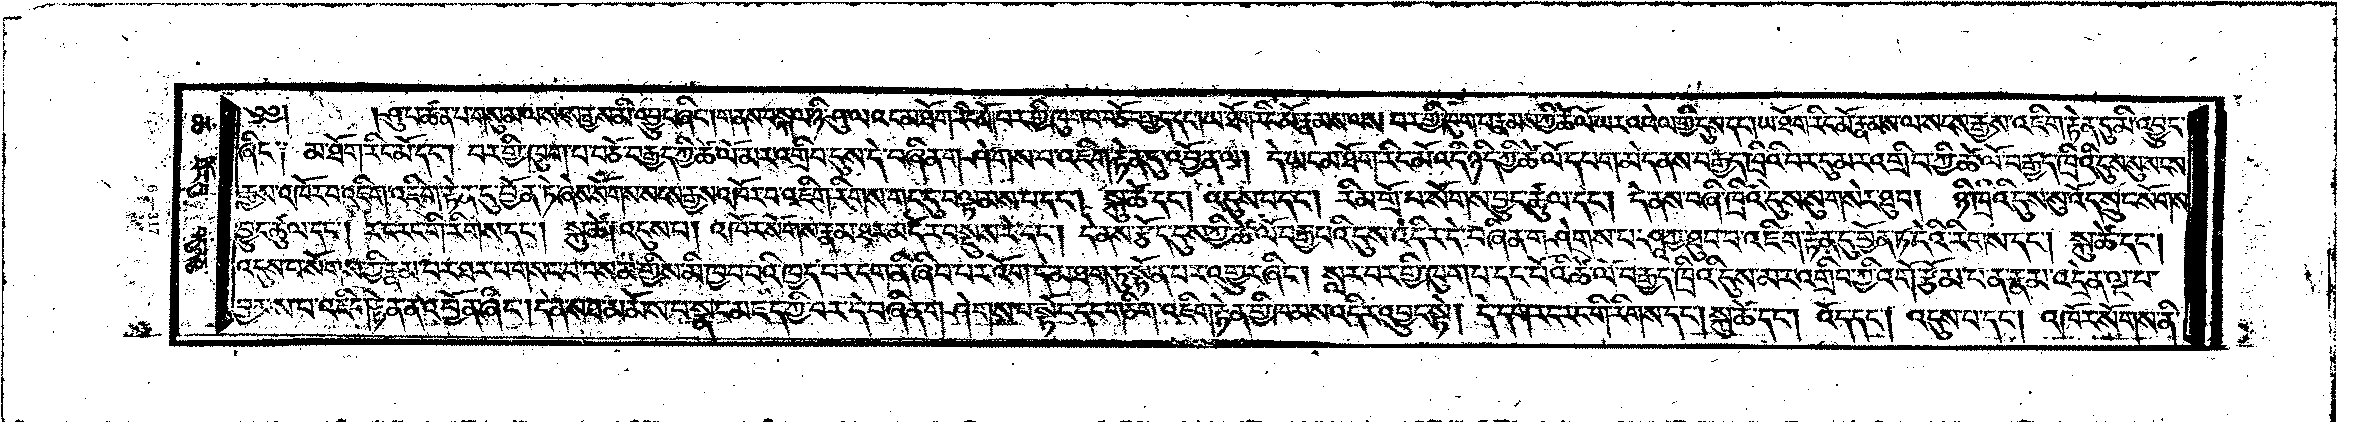༄༅། །ཤུ་པ་ཚན་པ་གསུམ་ལ་སངས་རྒྱས་མི་འབྱུང་ཞིང་། གནས་བསྐལ་ཉི་ཤུ་ལའང་མ་ཐོག་རིང་མོ། བར་གྱི་ཁུག་བ་བཅོ་བརྒྱད་དང་། ཡ་ཐོག་རིང་མོ་རྣམས་ལས་བར་གྱི་ཁུག་པ་རྣམས་ཀྱི་ཚེ་ལོ་ཡར་འཕེལ་གྱི་དུས་དང་། ཡ་ཐོག་རིང་མོ་རྣམས་ལ་སངས་རྒྱས་འཇིག་རྟེན་དུ་མི་འབྱུང་
ཞིང༑ མ་ཐོག་རིང་མོ་དང་། བར་གྱི་ཁུག་པ་བཅོ་བརྒྱད་ཀྱི་ཚེ་ལོ་མར་འགྲིབ་དུས་དེ་བཞིན་གཤེགས་པ་འཇིག་རྟེན་དུ་འབྱོན་ལ། དེ་ཡང་མ་ཐོག་རིང་མོ་འདི་ཉིད་ཀྱི་ཚེ་ལོ་དཔག་མེད་ནས་བརྒྱད་ཁྲིའི་བར་དུ་མར་འགྲིབ་ཀྱི་ཚེ་ལོ་བརྒྱད་ཁྲིའི་དུས་སུ་སངས་
རྒྱས་འཁོར་བ་འཇིག་རྟེན་དུ་བྱོན་ཏེ་ཞེས་སོགས་སངས་རྒྱས་འཁོར་བ་འཇིག་རིགས་གང་དུ་བལྟམས་པ་དང་། སྐུ་ཚེ་དང་། འདུས་པ་དང་། རིམ་གྲོ་པ་སོགས་བྱུང་ཚུལ་དང་། དེ་ནས་བཞི་ཁྲིའི་དུས་སུ་གསེར་ཐུབ། ཉི་ཁྲིའི་དུས་སུ་འོད་སྲུང་སོགས་
བྱུང་ཚུལ་དང་། རང་རང་གི་རིགས་དང་། སྐུ་ཚེ། འདུས་པ། འཁོར་སོགས་རྣམ་ཐར་མདོར་བསྡུས་རེ་དང་། དེ་ནས་རྩོད་དུས་ཀྱི་ཚེ་ལོ་བརྒྱ་པའི་དུས་འདིར་དེ་བཞིན་གཤེགས་པ་ཤཱཀྱ་ཐུབ་པ་འཇིག་རྟེན་དུ་བྱོན་ཏ་དེའི་རིགས་དང་། སྐུ་ཚེ་དང་།
འདུས་བ་སོགས་ཀྱིར་ནམ་པར་ཐར་པ་གསང་བ་བསམ་གྱིས་མི་ཁྱབ་པའི་ཁྱད་པར་དག་ནི་ཞིབ་པར་འོག་དེ་མ་ཐག་ཏུ་སྟོན་པར་འགྱུར་ཞིང་། སླར་བར་གྱི་ཁུག་པ་དང་པོའི་ཚེ་ལོ་བརྒྱད་ཁྲིའི་དུས་མར་འགྲིབ་ཀྱི་འགོ་རྯོམ་པ་ན་རྣམ་འདྲེན་ལྔ་པ་
བྱམས་པ་འཇིག་རྟེན་ན་འབྱོན་ཞིང་། དེ་ནས་ཐམ་མོས་པ་སྣང་མཛད་ཀྱི་བར་དེ་བཞིན་གཤེགས་པ་སྟོང་དང་གཅིག་འཇིག་རྟེན་གྱི་ཁམས་འདིར་འབྱུང་སྟེ། དེ་དག་རང་རང་གི་རིགས་དང་། སྐུ་ཚེ་དང་། འོད་དང་། འདུས་བ་དང་། འཁོར་སོགས་ནི་